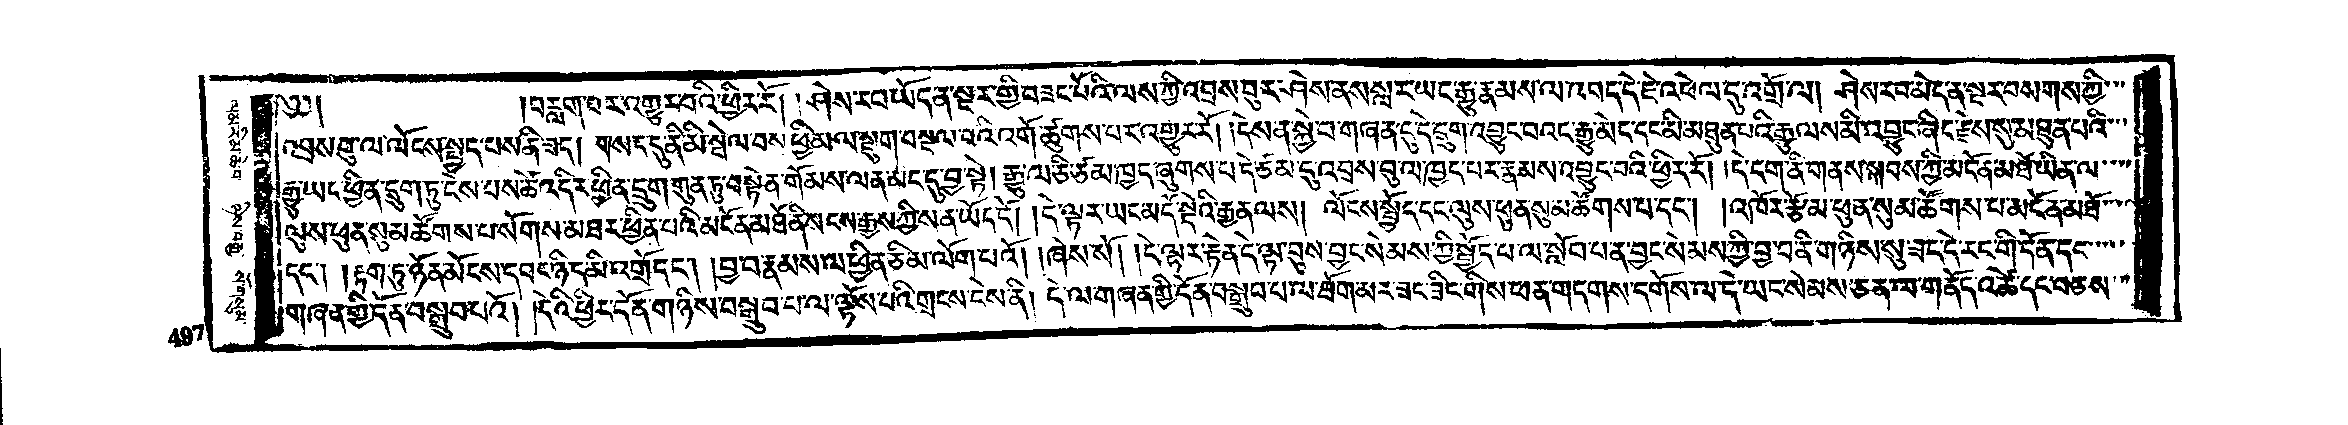༄༅། །བརླག་པར་འགྱུར་བའི་ཕྱིར་རོ། །ཤེས་རབ་ཡོད་ན་སྔར་གྱི་བཟང་པོའི་ལས་ཀྱི་འབྲས་བུར་ཤེས་ནས་སླར་ཡང་རྒྱུ་རྣམས་ལ་འབད་དེ་ཇེ་འཕེལ་དུ་འགྲོ་ལ། ཤེས་རབ་མེད་ན་སྔར་བསགས་ཀྱི་
འབྲས་བུ་ལ་ལོངས་སྤྱད་པས་ནི་ཟད། གསར་དུ་ནི་མི་སྤེལ་བས་ཕྱི་མ་ལ་སྡུག་བསྔལ་བའི་འགོ་ཚུགས་པར་འགྱུར་རོ། །དེས་ན་སྐྱེ་བ་གཞན་དུ་དེ་དྲུག་འབྱུང་བའང་རྒྱུ་མེད་དང་མི་མཐུན་པའི་རྒྱུ་ལས་མི་འབྱུང་ཞིང་རྗེས་སུ་མཐུན་པའི་
རྒྱུ་ཡང་ཕྱིན་དྲུག་ཏུ་ངེས་པས་ཚེ་འདིར་ཕྱིན་དྲུག་ཀུན་ཏུ་བསྟེན་གོམས་ལན་མང་དུ་བྱ་སྟེ། རྒྱུ་ལ་ཅི་ཙམ་ཁྱད་ཞུགས་པ་དེ་ཙམ་དུ་འབྲས་བུ་ལ་ཁྱད་པར་རྣམས་འབྱུང་བའི་ཕྱིར་རོ། །དེ་དག་ནི་གནས་སྐབས་ཀྱི་མངོན་མཐོ་ཡིན་ལ་
ལུས་ཕུན་སུམ་ཚོགས་པ་སོགས་མཐར་ཕྱིན་པའི་མངོན་མཐོ་ནི་སངས་རྒྱས་ཀྱི་ས་ན་ཡོད་དོ། །དེ་ལྟར་ཡང་མདོ་སྡེའི་རྒྱན་ལས། ལོངས་སྤྱོད་དང་ལུས་ཕུན་སུམ་ཚོགས་པ་དང་། །འཁོར་རྩོམ་ཕུན་སུམ་ཚོགས་པ་མངོན་མཐོ་
དང༑ ༑རྟག་ཏུ་ཉོན་མོངས་དབང་ཉིད་མི་འགྲོ་དང་། །བྱ་བ་རྣམས་ལ་ཕྱིན་ཅི་མ་ལོག་པའོ། །ཞེས་སོ། །དེ་ལྟར་རྟེན་དེ་ལྟ་བུས་བྱང་སེམས་ཀྱི་སྤྱོད་པ་ལ་སློབ་པ་ན་བྱང་སེམས་ཀྱི་བྱ་བ་ནི་གཉིས་སུ་ཟད་དེ་རང་གི་དོན་དང་
གཞན་གྱི་དོན་བསྒྲུབ་པའོ། །དེའི་ཕྱིར་དོན་གཉིས་བསྒྲུབ་པ་ལ་ལྟོས་པའི་གྲངས་ངེས་ནི། དེ་ལ་གཞན་གྱི་དོན་བསྒྲུབ་པ་ལ་ཐོག་མར་ཟང་ཟིང་གིས་ཕན་གདགས་དགོས་ལ་དེ་ཡང་སེམས་ཅན་ལ་གནོད་འཚེ་དང་བཅས་